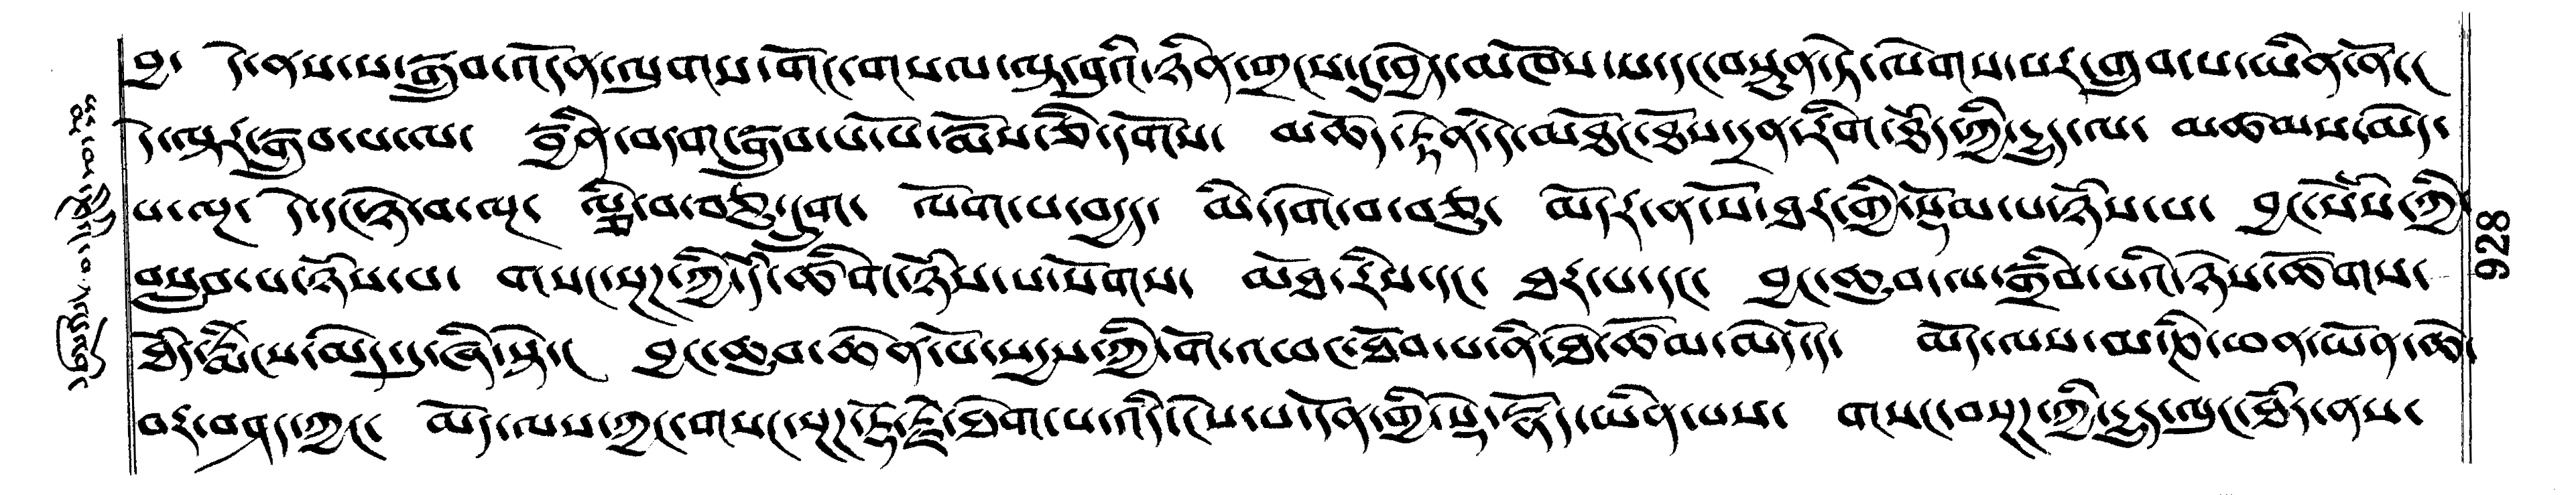བྱ། དེ་ནས་ས་སྒྲུབ་འདོན་ལུགས་གོང་གསལ་ལྟ་བུའི་ཉིན་གྲངས་དུ་བྱེད་མཁོས་པ་དང་བསྟུན་ཏེ་ལེགས་པར་གྲུབ་པ་ཡིན་ནོ། 
དེ་ལྟར་སྒྲུབ་པ་ལ། སྦྱིན་བདག་སྒྲུབ་པ་པོ་སྨོས་ཅི་དགོས། མཆོད་རྟེན་དེ་མཐོང་ཐོས་དྲན་རེག་ཐམས་ཅད་ཀྱི་རྒྱུད་ལ། མཚམས་མེད་
པ་ལྔ། དེ་དང་ཉེ་བ་ལྔ། ལྕི་བ་བཅུ་དྲུགལོག་པ་བརྒྱད། མི་དགེ་བ་བཅུ། མདོར་ན་སོ་ཐར་གྱི་སྡོམ་པ་ཉམས་པ། བྱང་སེམས་ཀྱི་
བསླབ་པ་ཉམས་པ། གསང་སྔགས་ཀྱི་དམ་ཚིག་ཉམས་པ་སོགས། མཐོ་རིས་དང་། ཐར་པ་དང་། བྱང་ཆུབ་ལ་སྒྲིབ་པའི་ཉེས་ཚོགས་
ཐམས་ཅད་རྨིང་མེད་དུ་ཞི་སྟེ། བྱང་ཆུབ་ཆེན་པོ་སངས་རྒྱས་ཀྱི་གོ་འཕང་ཐོབ་པར་ནི་ཐེ་ཚོམ་མེད་དོ། མདོ་ལས་མ་ཎི་ཕན་ཡོན་ཆེ་
བར་བཤད་ཀྱང་། མདོ་ལས་ཀྱང་གསང་སྔགས་རྡོ་རྗེ་ཐེག་པ་འདི་ངེས་པ་དོན་གྱི་སྡེ་སྣོད་ཡིན་པས། གསང་བསྔགས་ཀྱི་རྒྱུད་ལུང་ཐམས་ཅད་ནས།